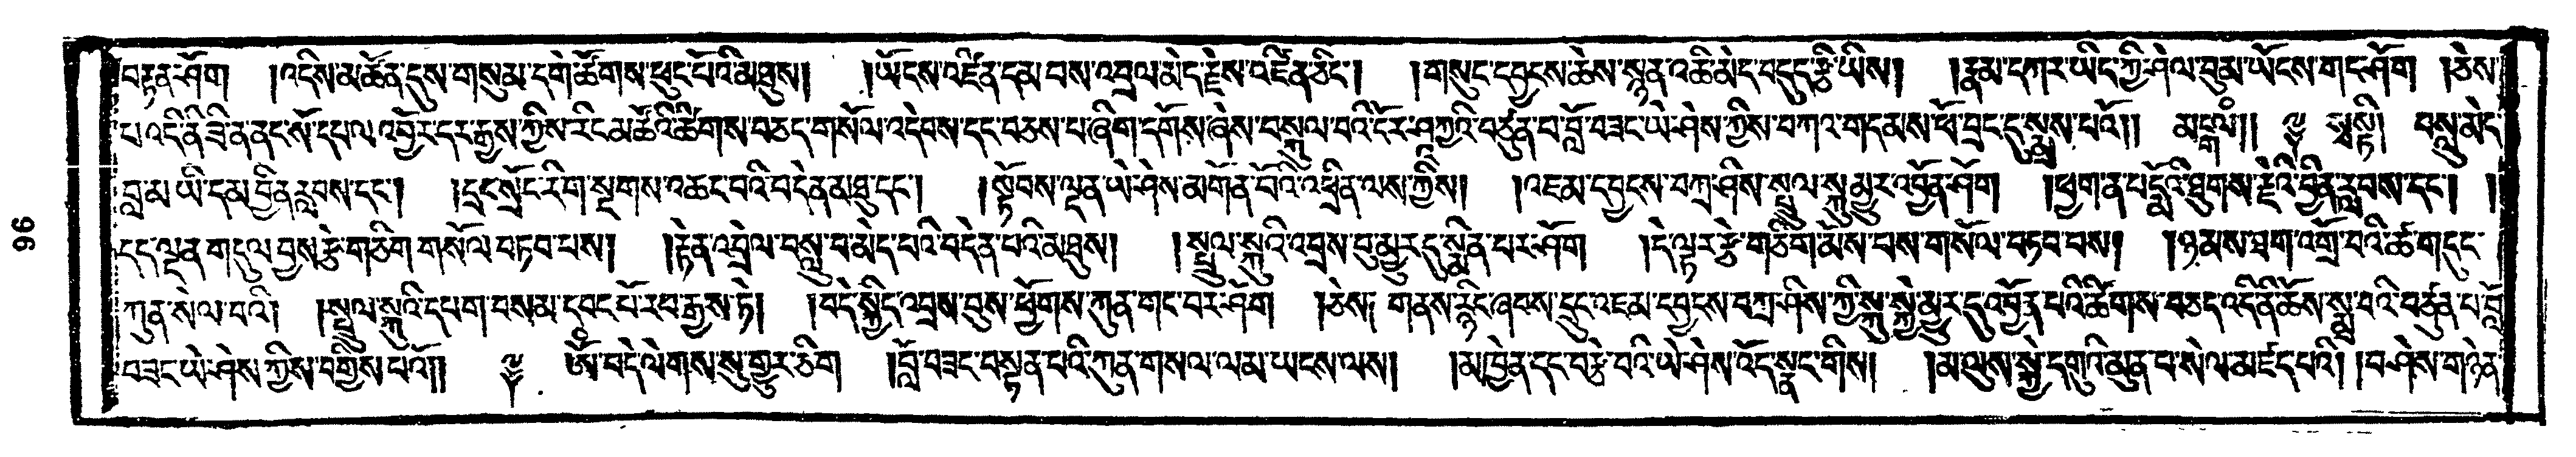བརྟན་ཤོག །འདིས་མཚོན་དུས་གསུམ་དགེ་ཚོགས་ཕུང་པོའི་མཐུས། །ཡོངས་འཛིན་དམ་བས་འབྲལ་མེད་རྗེས་འཛིན་ཅིང་། །གསུང་དབྱངས་ཆེས་སྙན་འཆི་མེད་བདུད་རྩི་ཡིས། །རྣམ་དཀར་ཡིད་ཀྱི་ཤེལ་བུམ་ཡོངས་གང་ཤོག །ཅེས་
པ་འདི་ནི་ཟི་ན་ནང་སོ་དཔལ་འབྱོར་དར་རྒྱས་ཀྱིས་རིང་མཚོའི་ཚིགས་བཅད་གསོལ་འདེབས་དང་བཅས་པ་ཞིག་དགོས་ཞེས་བསྐུལ་བའི་ངོར་ཤཱཀྱའི་བཙུན་པ་བློ་བཟང་ཡེ་ཤེས་ཀྱིས་བཀའ་གདམས་ཕོ་བྲང་དུ་སྨྲས་པའོ།། མངྒལཾ།། ༈ སྭསྟི། བསླུ་མེད་
བླ་མ་ཡི་དམ་བྱིན་རླབས་དང་། །དྲང་སྲོང་རིག་སྔགས་འཆང་བའི་བདེན་མཐུ་དང་། །སྟོབས་ལྡན་ཡེ་ཤེས་མགོན་བོའི་འཕྲིན་ལས་ཀྱིས། །འཇམ་དབྱངས་བཀྲ་ཤིས་སྤྲུལ་སྐུ་མྱུར་འབྱོན་ཤོག །ཕྱག་ན་པདམོའི་ཐུགས་རྗེའི་བྱིན་རླབས་དང་། །
དད་ལྡན་གདུལ་བྱས་རྩེ་གཅིག་གསོལ་བཏབ་པས། །རྟེན་འབྲེལ་བསླུ་བ་མེད་པའི་བདེན་པའི་མཐུས། །སྤྲུལ་སྐུའི་འབྲས་བུ་མྱུར་དུ་སྨིན་པར་ཤོག །དེ་ལྟར་རྩེ་གཅིག་མོས་པས་གསོལ་བཏབ་པས། །ཉམས་ཐག་འགྲོ་བའི་ཚ་གདུང་
ཀུན་སེལ་བའི། །སྤྲུལ་སྐུའི་དཔག་བསམ་དབང་པོ་རབ་རྒྱས་ཏེ། །བདེ་སྐྱིད་འབྲས་བུས་ཕྱོགས་ཀུན་གང་བར་ཤོག །ཅེས༑ གནས་རྙིང་ཞབས་དྲུང་འཇམ་དབྱངས་བཀྲ་ཤིས་ཀྱི་སྐུ་སྐྱེ་མྱུར་དུ་འབྱོན་པའི་ཚིགས་བཅད་འདི་ནི་ཆོས་སྨྲ་བའི་བཙུན་པ་བློ་
བཟང་ཡེ་ཤེས་ཀྱིས་བགྱིས་པའོ།། ༈ ཨོཾ་བདེ་ལེགས་སུ་གྱུར་ཅིག །བློ་བཟང་བསྟན་པའི་ཀུན་གསལ་ལམ་ཡངས་ལས། །མཁྱེན་དང་བརྩེ་བའི་ཡེ་ཤེས་འོད་སྣང་གིས། །མ་ལུས་སྐྱེ་དགུའི་མུན་པ་སེལ་མཛད་པའི། །བཤེས་གཉེན་